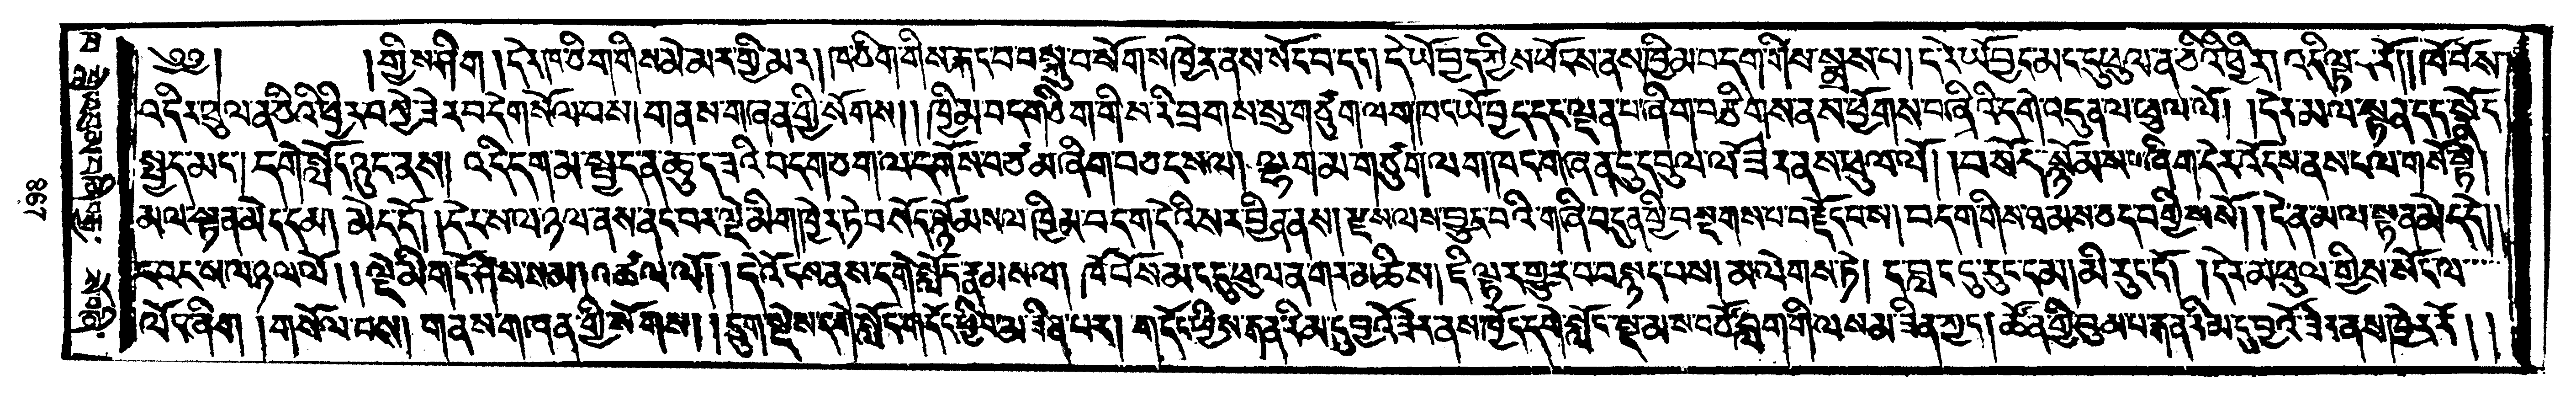༄༅། །གྱིས་ཤིག །དེར་ཁ་ཅིག་གིས་མེ་མར་གྱི་མར། ཁ་ཅིག་གིས་རྐང་བ་བསྐུ་བ་སོགས་ཁྱེར་ནས་སོང་བ་དང་། དེ་ཡོ་བྱད་ཀྱིས་ཕོངས་ནས་ཁྱིམ་བདག་གིས་སྨྲས་པ། ད་རེ་ཡོ་བྱད་མང་དུ་ཕུལ་ན་ཅིའི་ཕྱིར། འདི་ལྟར་རོ། །ཁོ་བོས་
འདིར་ཕུལ་ན་ཅིའི་ཕྱིར་བཀྱེ་ཟེར་བ་དེ་གསོལ་བས། གནས་གཞན་གྱི་སོགས།། ཁྱིམ་བདག་ཅིག་གིས་རི་བྲགས་སུ་གཙུག་ལག་ཁང་ཡོ་བྱད་དང་ལྡན་པ་ཞིག་བརྩིགས་ནས་ཕྱོགས་བཞིའི་དགེ་འདུན་ལ་ཕུལ་ལོ། །དེར་མལ་སྟན་དད་སྣོད་
སྤྱད་མང་། དགེ་སློང་ཉུང་ནས། འདི་དག་མ་སྤྱད་ན་ཆུད་ཟའི་བདག་ཅག་ལ་དགོས་བཙམ་ཞིག་བཅངས་ལ། ལྷག་མ་གཙུག་ལག་ཁང་གཞན་དུ་དབུལ་ལོ་ཟེར་ནས་ཕུལ་ལོ། །བསོད་སྙོམས་པ་ཞིག་དེར་འོངས་ནས་ངལ་གསོ་སྟེ།
མལ་སྟན་མེད་དམ། མེད་དོ། །དེར་ས་ལ་ཉལ་ནས་ནང་བར་ལྡེ་མིག་ཁྱེར་ཏེ་བསོད་སྙོམས་ལ་ཁྱིམ་བདག་དེའི་སར་བྱིན་ནས། རྫས་ལས་བྱུང་བའི་གཞི་བདུན་གྱི་བསྔགས་པ་བརྗོད་པས། བདག་གིས་ཐམས་ཅད་བགྱིས་སོ། །དེ་ན་མལ་སྟན་མེད་དེ།།
ངའང་ས་ལ་ཉལ་ལོ། །ལྡེ་མིག་ངོ་ཤེས་སམ། འཚལ་ལོ། །དེ་འོངས་ནས་དགེ་སློང་རྣམས་ལ། ཁོ་བོས་མང་དུ་ཕུལ་ན་གར་མཆིས། ཇི་ལྟར་གྱུར་བ་བསྙད་པས། མ་ལེགས་ཏེ། ད་བླང་དུ་རུང་དམ། མི་རུང་ངོ། །དེར་མ་ཕུལ་གྱིས་སོང་ལ་
ལོང་ཞིག །གསོལ་བས། གནས་གཞན་གྱི་སོགས། །དྲུག་སྡེས་དགེ་སློང་གདོང་ཕྱི་བ་མ་ཟིན་པར། གདོང་ཕྱིས་རྒན་རིམ་དུ་བྱའོ་ཟེར་ནས་ཁྱོད་དགེ་སློང་སྡ་མས་བཙོ་བླག་གི་ལས་མ་ཟིན་ཀྱང་། ཚོན་གྱི་བུམ་པ་རྒན་རིམ་དུ་བྱའོ་ཟེར་ནས་ཁྱེར་རོ།།